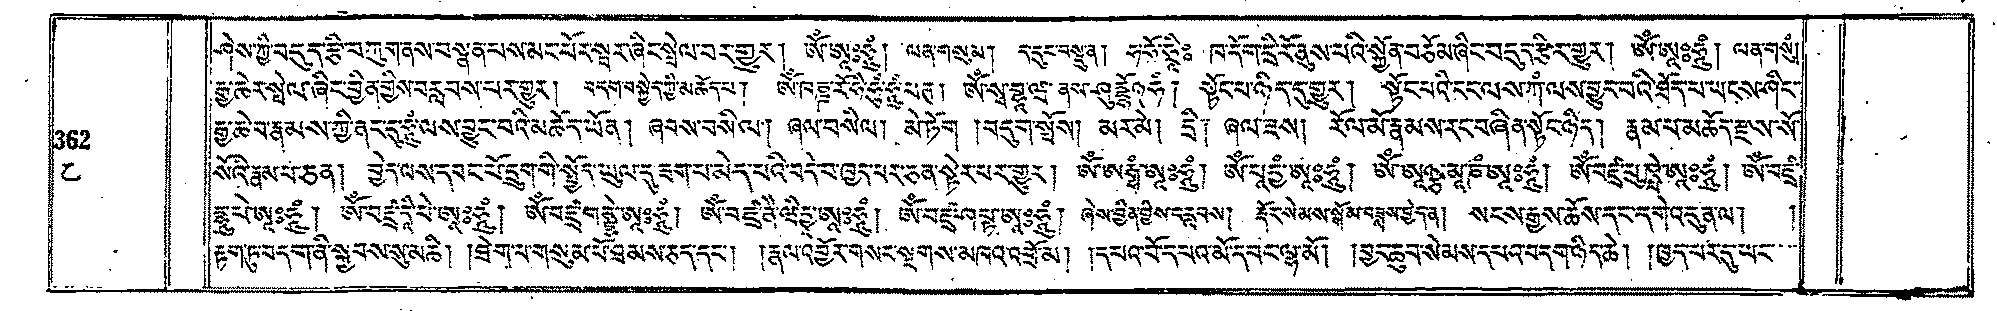ཤེས་ཀྱི་བདུད་རྩི་བཀུག་ནས་བསྣན་པས་མང་པོར་སྦར་ཞིང་སྤེལ་བར་གྱུར། ཨོཾ་ཨཱཿཧཱུཾ། ལན་གསུམ། ད་དུང་བསྡུ་ན།  ཧ་ཧོ་ཧྲཱིཿ ཁ་དོག་དྲི་རོ་ནུས་པའི་སྐྱོན་བཅོམ་ཞིང་བདུད་རྩིར་གྱུར། ཨོཾ་ཨཱཿཧཱུཾ། ལན་གསུཾ།
རྒྱ་ཆེར་སྤེལ་ཞིང་བྱིན་གྱིས་བརླབས་པར་གྱུར། བདག་བསྐྱེད་ཀྱི་མཆོད་པ།  ཨོཾ་ཁཎྜ་རོ་ཧི་ཧུཾ་ཧཱུཾ་ཕཊ། ཨོཾ་སྭ་བྷཱ་ཝ་ནས་ཤུདྡྷོཉཧཾ། སྟོང་པ་ཉིད་དུ་གྱུར། སྟོང་པའི་ངང་ལས་ཀཾ་ལས་བྱུང་བའི་ཐོད་པ་ཡངས་ཤིང་་་
རྒྱ་ཆེ་བ་རྣམས་ཀྱི་ནང་དུ་ཧཱུཾ་ལས་བྱུང་བའི་མཆོད་ཡོན། ཞབས་བསིལ། ཞལ་བསིལ། མེ་ཏོག །བདུག་སྤོས། མར་མེ། དྲི༑ ཞལ་ཟས། རོལ་མོ་རྣམས་རང་བཞིན་སྟོང་ཉིད། རྣམ་པ་མཆོད་རྫས་སོ་
སོའི་རྣམ་པ་ཅན། བྱེད་ལས་དབང་པོ་དྲུག་གི་སྤྱོད་ཡུལ་དུ་ཟག་པ་མེད་པའི་བདེ་བ་ཁྱད་པར་ཅན་སྟེར་པར་གྱུར། ཨོཾ་ཨརྒྷཾ་ཨཱཿཧཱུཾ། ཨོཾ་པཱདྱཾ་ཨཱཿཧཱུཾ། ཨོཾ་ཨཱཉྩ་མཱ་ཎཾ་ཨཱཿཧཱུཾ། ཨོཾ་བཛྲ་པུཥྤེ་ཨཱཿཧཱུཾ། ཨོཾ་བཛྲ་
དྷཱུ་པེ་ཨཱཿཧཱུཾ། ཨོཾ་བཛྲ་དཱི་པེ་ཨཱཿཧཱུཾ། ཨོཾ་བཛྲ་གནྡྷེ་ཨཱཿཧཱུཾ། ཨོཾ་བཛྲ་ནཻ་ཝིདྱཱ་ཨཱཿཧཱུཾ། ཨོཾ་བཛྲ་ཤཔྟ་ཨཱཿཧཱུཾ། ཞེས་བྱིན་གྱིས་བརླབས། རྡོར་སེམས་སྒོམ་བཟླས་བྱེད་ན།  སངས་རྒྱས་ཆོས་དང་དགེ་འདུན་ལ། །
རྟག་ཏུ་བདག་ནི་སྐྱབས་སུ་མཆི། །ཐེག་པ་གསུམ་པོ་ཐམས་ཅད་དང་། །རྣལ་འབྱོར་གསང་སྔགས་མཁའ་འགྲོ་མ། །དཔའ་བོ་དཔའ་མོ་དབང་ལྷ་མོ། །བྱང་ཆུབ་སེམས་དཔའ་བདག་ཉིད་ཆེ། །ཁྱད་པར་དུ་ཡང་་་